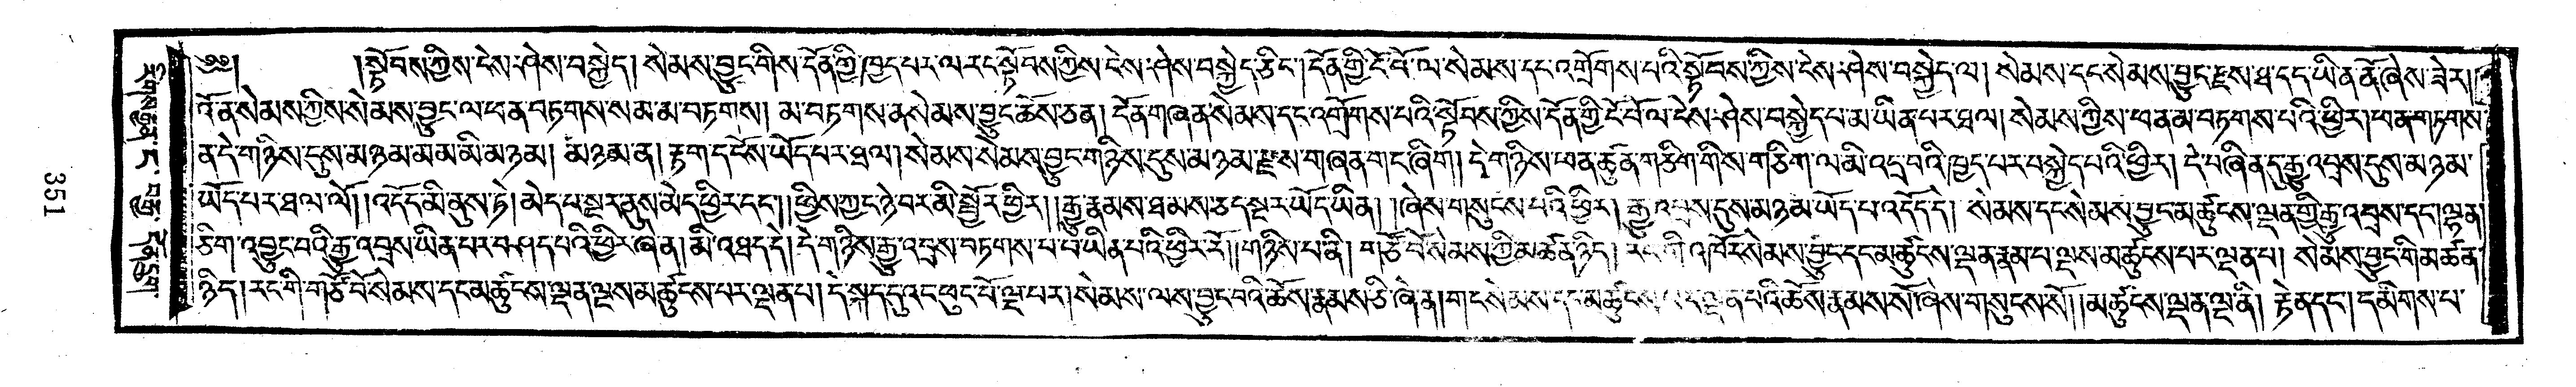༄༅། །སྟོབས་ཀྱིས་ངེས་ཤེས་བསྐྱེད། སེམས་བྱུང་གིས་དོན་གྱི་ཁྱད་པར་ལ་རང་སྟོབས་ཀྱིས་ངེས་ཤེས་བསྐྱེད་ཅིང་། དོན་གྱི་ངོ་བོ་ལ་སེམས་དང་འགྲོགས་པའི་སྟོབས་ཀྱིས་ངེས་ཤེས་བསྐྱེད་ལ། སེམས་དང་སེམས་བྱུང་རྫས་ཐ་དད་ཡིན་ནོ་ཞེས་ཟེར།
འོ་ན་སེམས་ཀྱིས་སེམས་བྱུང་ལ་ཕན་བཏགས་སམ་མ་བཏགས། མ་བཏགས་ན་སེམས་བྱུང་ཆོས་ཅན། དོན་གཞན་སེམས་དང་འགྲོགས་པའི་སྟོབས་ཀྱིས་དོན་གྱི་ངོ་བོ་ལ་ངེས་ཤེས་བསྐྱེད་པ་མ་ཡིན་པར་ཐལ། སེམས་ཀྱིས་ཕན་མ་བཏགས་པའི་ཕྱིར། ཕན་གཏགས་
ན་དེ་གཉིས་དུས་མཉམ་མམ་མི་མཉམ། མཉམ་ན། རྟག་དངོས་ཡོད་པར་ཐལ། སེམས་སེམས་བྱུང་གཉིས་དུས་མཉམ་རྫས་གཞན་གང་ཞིག། དེ་གཉིས་ཕན་ཚུན་གཅིག་གིས་གཅིག་ལ་མི་འདྲ་བའི་ཁྱད་པར་བསྐྱེད་པའི་ཕྱིར། དེ་བཞིན་དུ་རྒྱུ་འབྲས་དུས་མཉམ་
ཡོད་པར་ཐལ་ལོ། །འདོད་མི་ནུས་ཏེ། མེད་པ་སྔར་ནུས་མེད་ཕྱིར་དང་། །ཕྱིས་ཀྱང་ཉེ་བར་མི་སྦྱོར་ཕྱིར། །རྒྱུ་རྣམས་ཐམས་ཅད་སྔར་ཡོད་ཡིན། །ཞེས་གསུངས་པའི་ཕྱིར། རྒྱུ་འབྲས་དུས་མཉམ་ཡོད་པ་འདོད་དེ། སེམས་དང་སེམས་བྱུང་མཚུངས་ལྡན་གྱི་རྒྱུ་འབྲས་དང་། ལྷན་
ཅིག་འབྱུང་བའི་རྒྱུ་འབྲས་ཡིན་པར་བཤད་པའི་ཕྱིར་ཞེ་ན། མི་འཐད་དེ། དེ་གཉིས་རྒྱུ་འབྲས་བཏགས་པ་བ་ཡིན་པའི་ཕྱིར་རོ། །གཉིས་པ་ནི། གཙོ་བོ་སེམས་ཀྱི་མཚན་ཉིད། རང་གི་འཁོར་སེམས་བྱུང་དང་མཚུངས་ལྡན་རྣམ་པ་ལྔས་མཚུངས་པར་ལྡན་པ། སེམས་བྱུང་གི་མཚན་
ཉིད། རང་གི་གཙོ་བོ་སེམས་དང་མཚུངས་ལྡན་ལྔས་མཚུངས་པར་ལྡན་པ། དེ་སྐད་དུའང་ཕུང་པོ་ལྔ་པར། སེམས་ལས་བྱུང་བའི་ཆོས་རྣམས་ཅི་ཞེ་ན། གང་སེམས་དང་མཚུངས་པར་ལྡན་པའི་ཆོས་རྣམས་སོ་ཞེས་གསུངས་སོ། །མཚུངས་ལྡན་ལྔ་ནི། རྟེན་དང་། དམིགས་པ་